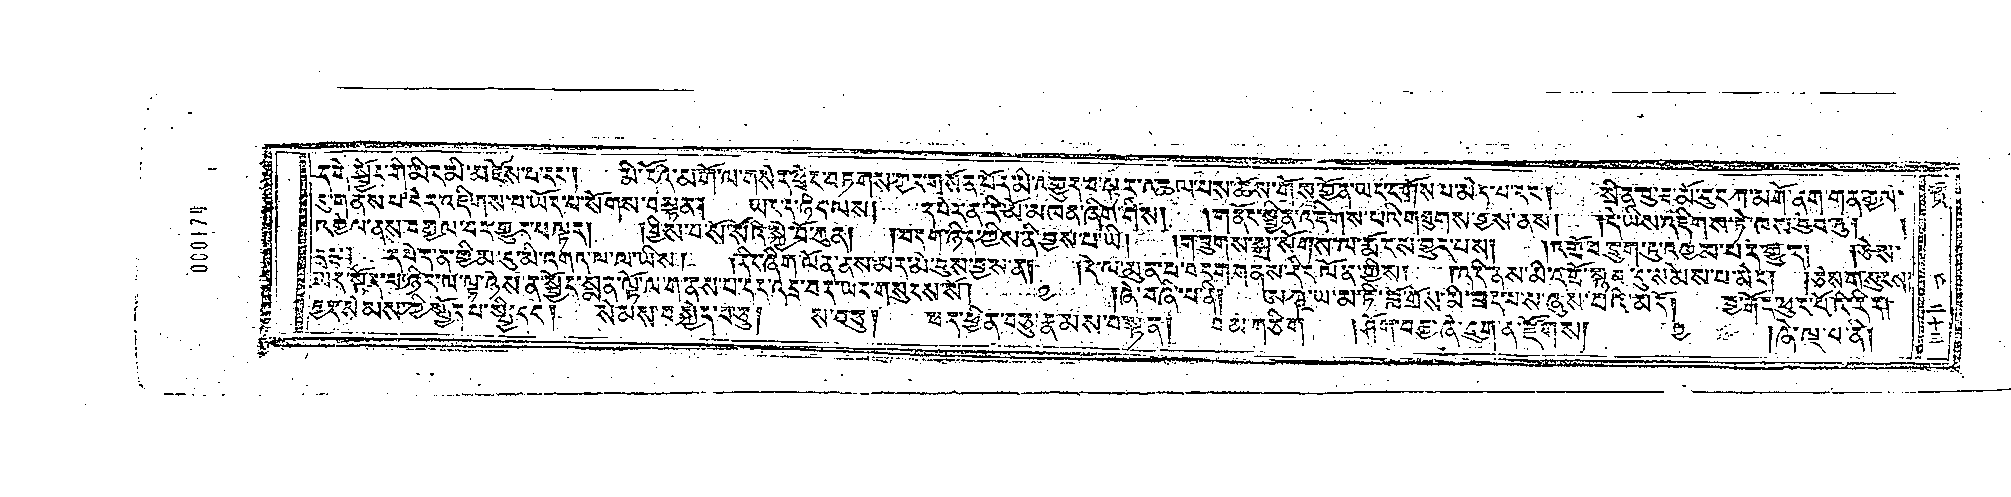དགེ་སྦྱོང་གི་མིང་མི་མཛེས་པ་དང་། མི་དོའི་མགོ་ལ་གསེར་ཕྲེང་བཏགས་ཀྱང་གསོན་པོར་མི་འགྱུར་བ་ལྟར་འཆལ་པས་ཆོས་གོས་གྱོན་ཡང་དགོས་པ་མེད་པ་དང་། སྲིན་བུ་རྡ་མོ་དུང་ཀ་མགོ་ནག་གན་རྒྱལ་
དུ་གནས་པ་དེར་འཇིགས་པ་ཡོད་པ་སོགས་བསྟན། ཡང་ད་ཉིད་ལས། དཔེར་ན་རི་མོ་མཁན་ཞིག་གིས། །གནོད་སྦྱིན་འཇིགས་པའི་གཟུགས་བྱས་ནས། །དེ་ཡིས་འཇིགས་ཏེ་ཁས་བུབ་ཏུ། །
འགྱེལ་ནས་བརྒྱལ་བར་གྱུར་པ་ལྟར། །བྱིས་པ་སོ་སོའི་སྐྱེ་བོ་ཀུན། །བདག་ཉིད་ཀྱིས་ནི་བྱས་པ་ཡི། །གཟུགས་སྒྲ་སོགས་ལ་རྨོངས་གྱུར་པས། །འགྲོ་བ་དྲུག་ཏུ་འཁྱམ་པར་གྱུར། །ཅེས་
དང་། དཔེར་ན་ཕྱིམ་དུ་མི་འགའ་ལ་ལ་ཡིས། །རིང་ཞིག་ལོན་ནས་མར་མེ་བུས་བྱས་ན། །དེ་ལ་མུན་པ་བདག་གནས་རིང་ལོན་གྱིས། །འདི་ནས་མི་འགྲོ་སྙམ་དུ་སེམས་པ་མེད། །ཅེས་གསུངས་
ཡང་སྟོད་པ་ཉིད་ལ་ལྟ་ཉེས་ན་སྦྱོང་སྨན་ལྟོ་ལ་གནས་པ་དང་འདྲ་བར་ཡང་གསུངས་སོ། ༧་།ཞེ་བཞི་པ་ནི། ཨཀྵ་ཡ་མ་ཏི་བློ་གྲོས་མི་ཟད་པས་ཞུས་པའི་མདོ། བྱ་རྒོད་ཕུང་པོའི་རིར།
བྱང་སེམས་ཀྱི་སྤྱོད་པ་སྤྱི་དང་། སེམས་བསྐྱེད་བཅུ། ས་བཅུ། ཕད་ཕྱིན་བཅུ་རྣམས་བསྟན། བམ་གཅིག །ཤོག་བརྒྱ་ཞེ་དྲུག་ན་རྫོགས། ༧་།ཞེ་ལྔ་པ་ནི།